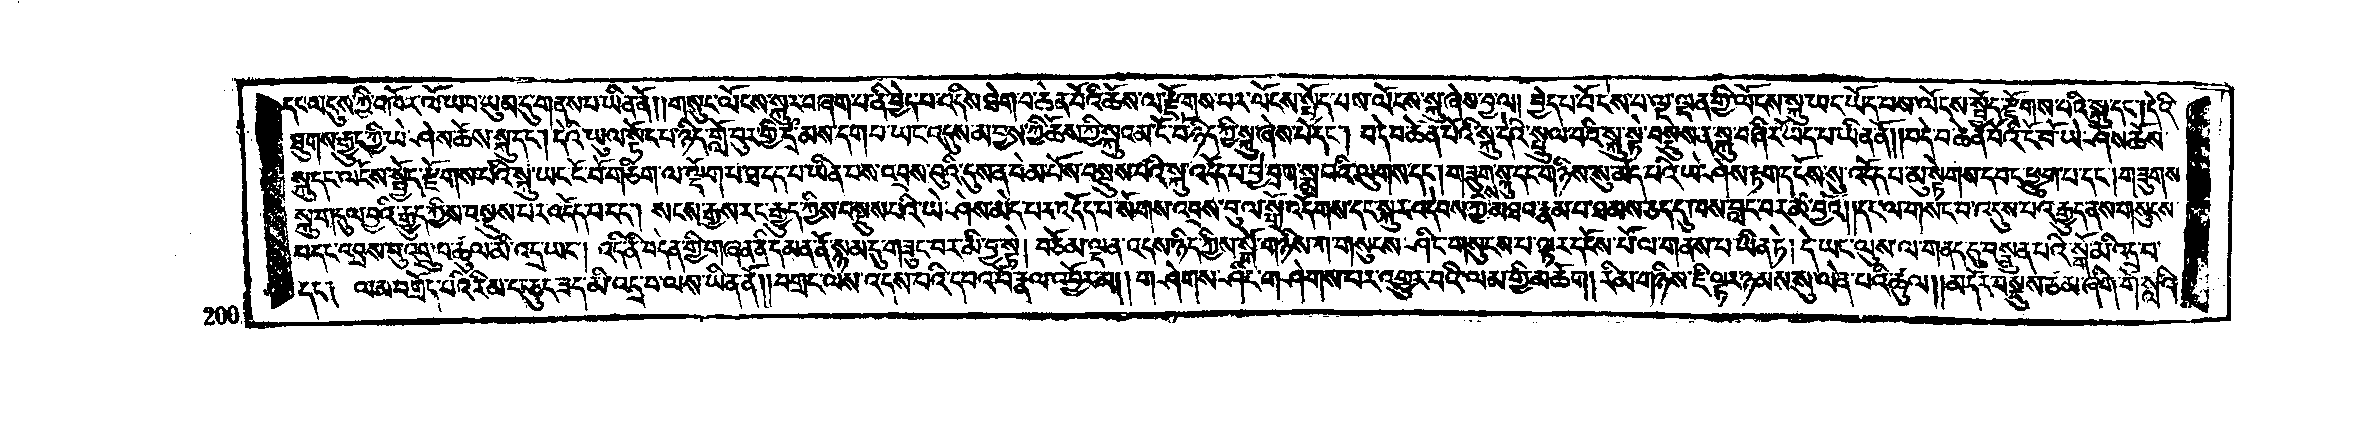དཔལ་དུས་ཀྱི་འཁོར་ལོ་ཡབ་ཡུམ་དུ་གནས་པ་ཡིན་ནོ། །གསུང་ལོངས་སྐུར་བཞག་པ་ནི་བྱེད་པ་འདིས་ཐེག་པ་ཆེན་པོའི་ཆོས་ལ་རྫོགས་པར་ལོངས་སྤྱོད་པས་ལོངས་སྐུ་ཞེས་བྱ་ལ། བྱེད་པ་པོ་ངེས་པ་ལྔ་ལྡན་གྱི་ལོངས་སྐུ་ཡང་ཡོད་པས་ལོངས་སྤྱོད་རྫོགས་པའི་སྐུ་དང་། དེའི་
ཐུགས་རྒྱུད་ཀྱི་ཡེ་ཤེས་ཆོས་སྐུ་དང་། དེའི་ཡུལ་སྟོང་པ་ཉིད་གློ་བུར་གྱི་དྲི་མས་དག་པ་ཡང་འདུས་མ་བྱས་ཀྱི་ཆོས་ཀྱི་སྐུའམ་ངོ་བོ་ཉིད་ཀྱི་སྐུ་ཞེས་པ་དང་། བདེ་བ་ཆེན་པོའི་སྐུ་དེའི་སྤྲུལ་པའི་སྐུ་སྟེ་བསྡུས་ན་སྐུ་བཞིར་ཡོད་པ་ཡིན་ནོ། །བདེ་བ་ཆེན་པོའི་ངོ་བོ་ཡེ་ཤེས་ཆོས་
སྐུ་དང་ལོངས་སྤྱོད་རྫོགས་པའི་སྐུ་ཡང་ངོ་བོ་གཅིག་ལ་ལྡོག་པ་ཐ་དད་པ་ཡིན་པས་འབྲས་བུའི་དུས་ན་བེམ་པོས་བསྡུས་པའི་སྐུ་འདོད་པ་བྱེ་བྲག་སྨྲ་བའི་ལུགས་དང་། གཟུགས་སྐུ་དང་གཉིས་སུ་མེད་པའི་ཡེ་ཤེས་རྟག་དངོས་སུ་འདོད་པ་མུ་སྟེགས་དབང་ཕྱུག་པ་དང་། གཟུགས་
སྐུ་གདུལ་བྱའི་རྒྱུད་ཀྱིས་བསྡུས་པར་འདོད་པ་དང་། སངས་རྒྱས་རང་རྒྱུད་ཀྱིས་བསྡུས་པའི་ཡེ་ཤེས་མེད་པར་འདོད་པ་སོགས་འབྲས་བུ་ལ་སྒྲོ་འདོགས་དང་སྐུར་འདེབས་ཀྱི་མཐའ་རྣམ་པ་ཐམས་ཅད་དུ་ཁས་བླང་བར་མི་བྱའོ། །དང་ལ་གསང་བ་འདུས་པའི་རྒྱུད་ནས་གསུངས་
པ་དང་འབྲས་བུ་འབྲུ་བ་ཚུལ་མི་འདྲ་ཡང་། འདི་ནི་བདེན་གྱི་གཞན་ནི་དམན་ནོ་སྙམ་དུ་གཟུང་བར་མི་བྱ་སྟེ། བཅོམ་ལྡན་འདས་ཉིད་ཀྱིས་སྒོ་གཉིས་ཀ་གསུངས་ཤིང་གསུངས་པ་ལྟར་དངོས་པོ་ལ་གནས་པ་ཡིན་ཏེ། དེ་ཡང་ལུས་ལ་གནད་དུ་བསྣུན་པའི་སྒོ་མི་འདྲ་བ་
དང་། ལམ་བགྲོད་པའི་རིམ་དང་ཅུང་ཟད་མི་འདྲ་བ་ལས་ཡིན་ནོ། །བགྲང་ལས་འདས་པའི་དཔའ་བོ་རྣལ་འབྱོར་མ། །གཤེགས་ཤིང་གཤེགས་པར་འགྱུར་བའི་ལམ་གྱི་མཆོག །རིམ་གཉིས་ཇི་ལྟར་ཉམས་སུ་ལེན་པའི་ཚུལ། །མདོར་བསྡུས་ཙམ་ཞིག་གོ་སླའི་